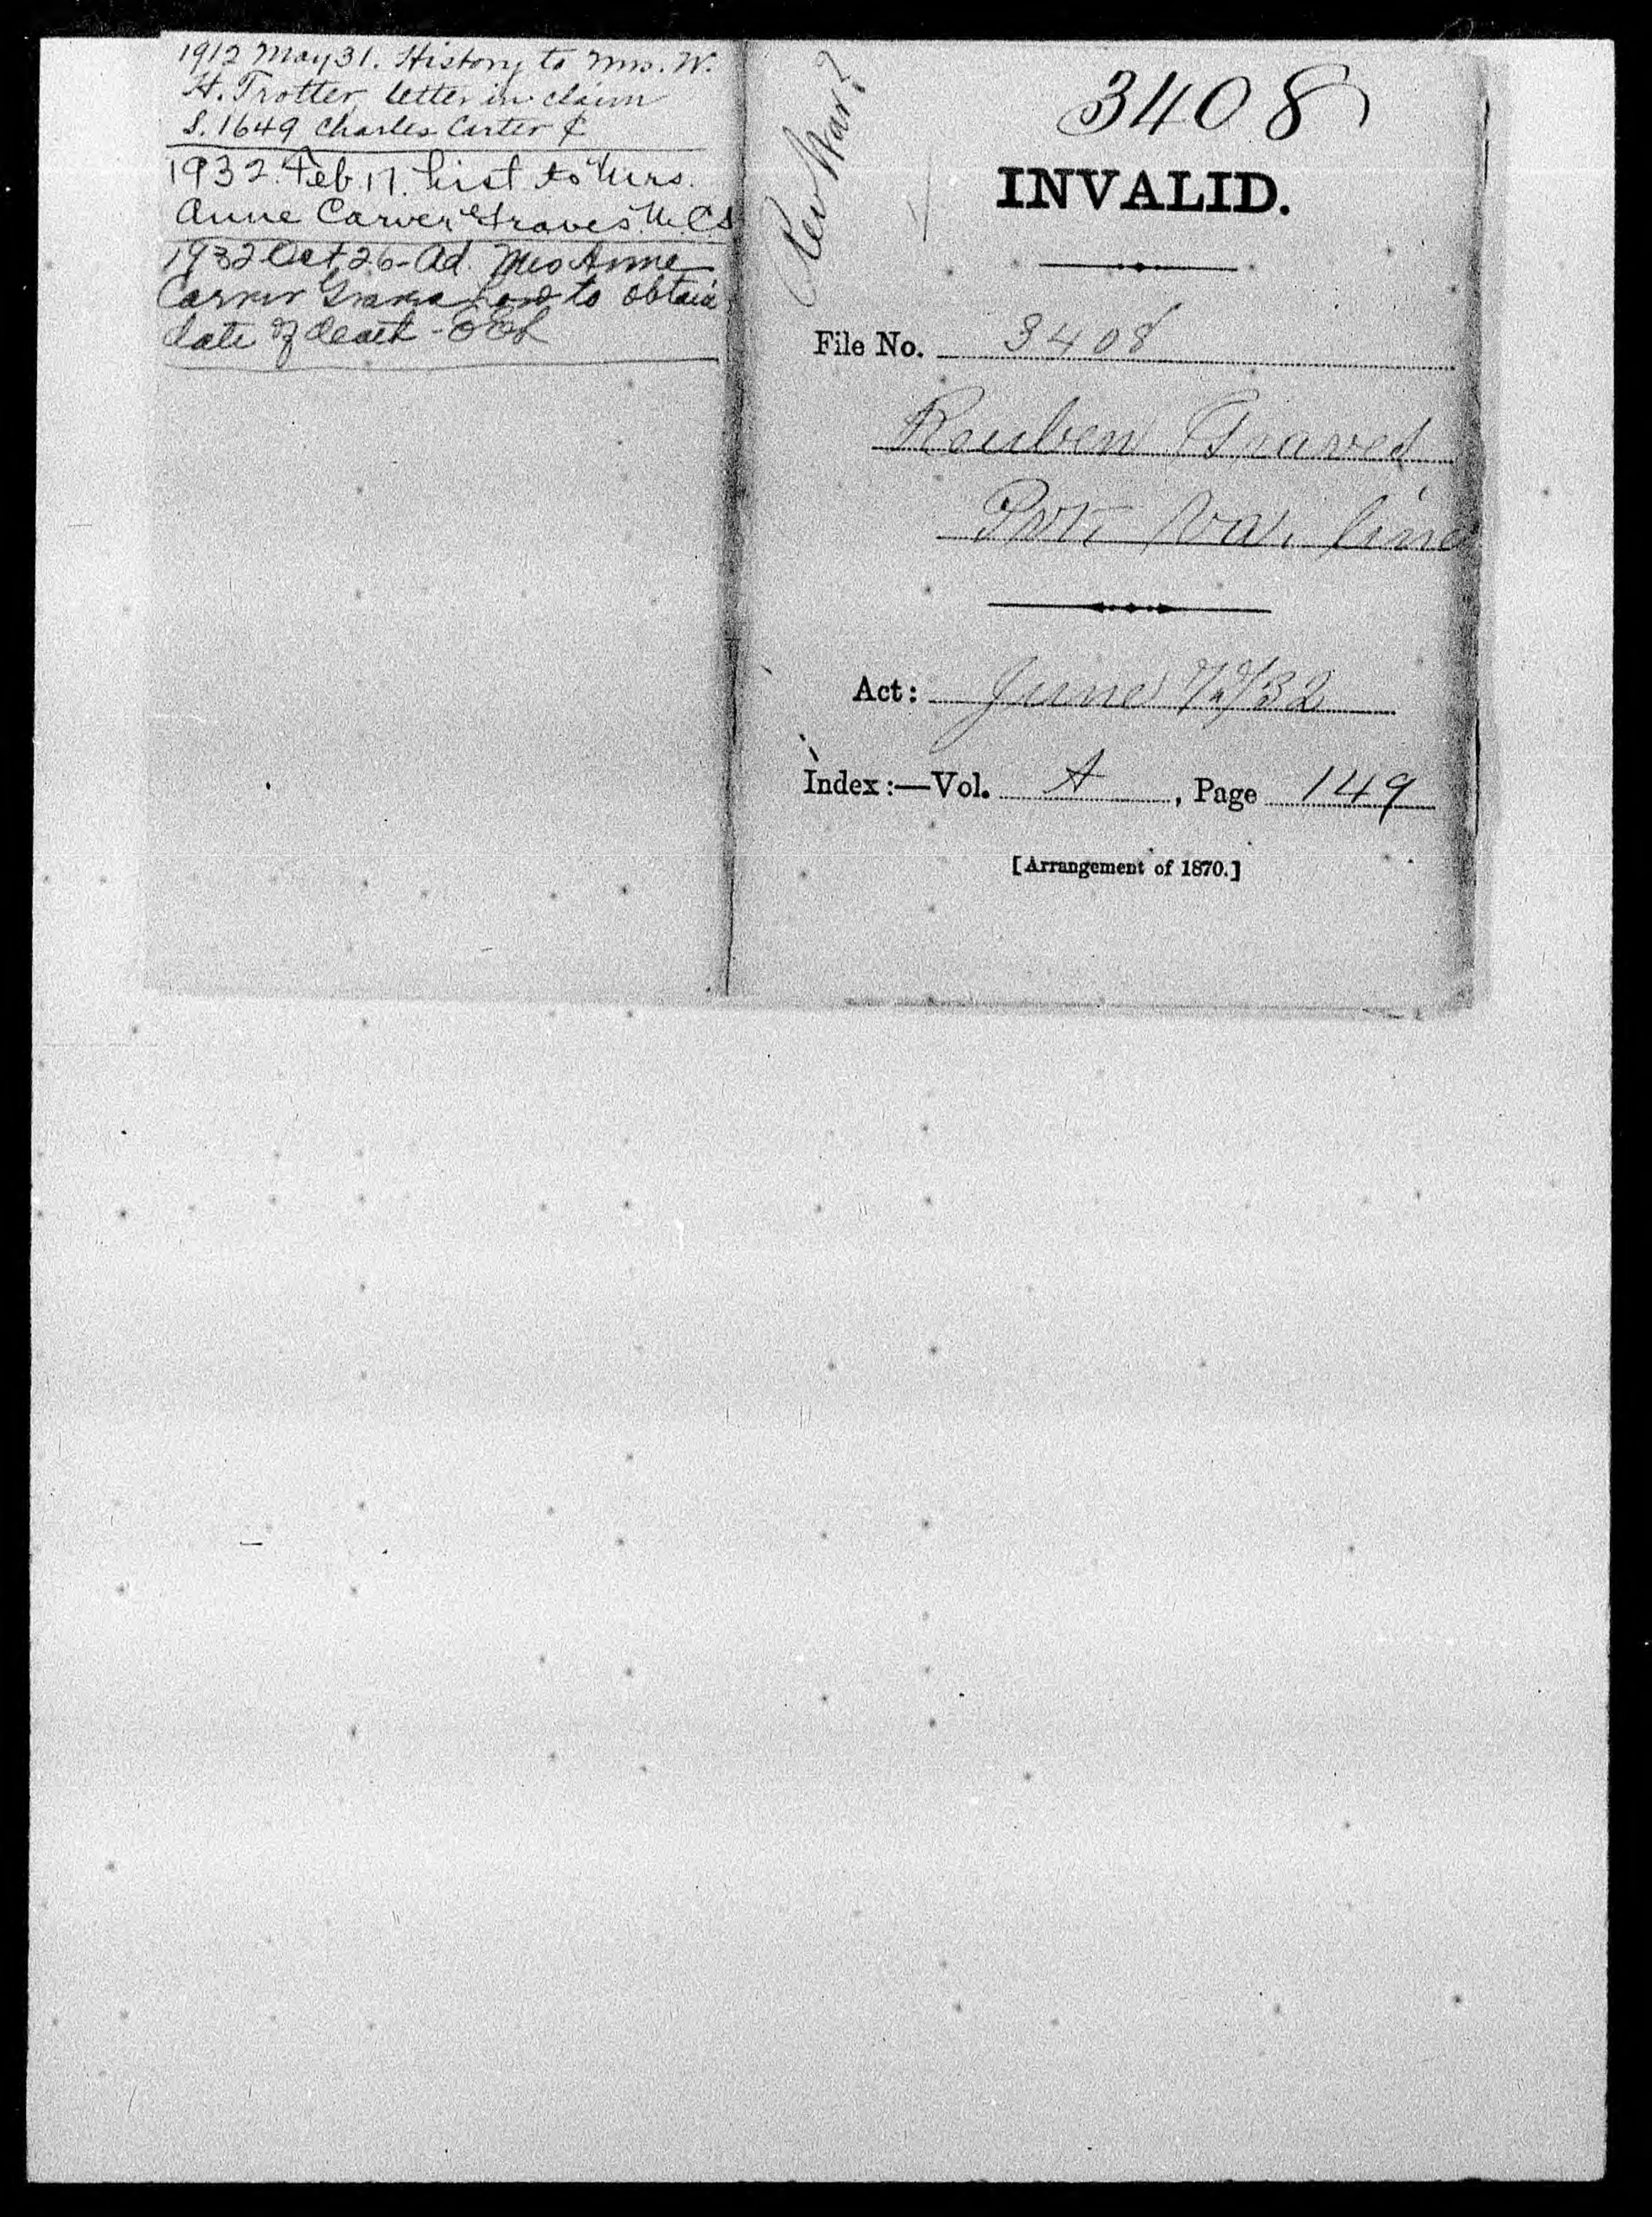1912 May 31, History to Mr. W.H. Trotter letter in claim
S. 1649 Charles Carter

1932 Feb. 17 Hist. to Mrs. Anne Carver Graves

1932 Oct 26 - Ad Mrs. Anne Carver Graves ? to obtain date of death 


Rev. War?


3408 
INVALID

File No. 3408

Reuben Graves
Priv. VA. Line

Act:  June 7 1832

Index:  Vol. A, Page 149

[Arrangement of 1870]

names: Reuben Graves, Anne Carver Graves, Anne Carver Graves, W H Trotter, Charles Carter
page: 16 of 22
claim: survivor's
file: S. 3408, Reuben Graves, Va.